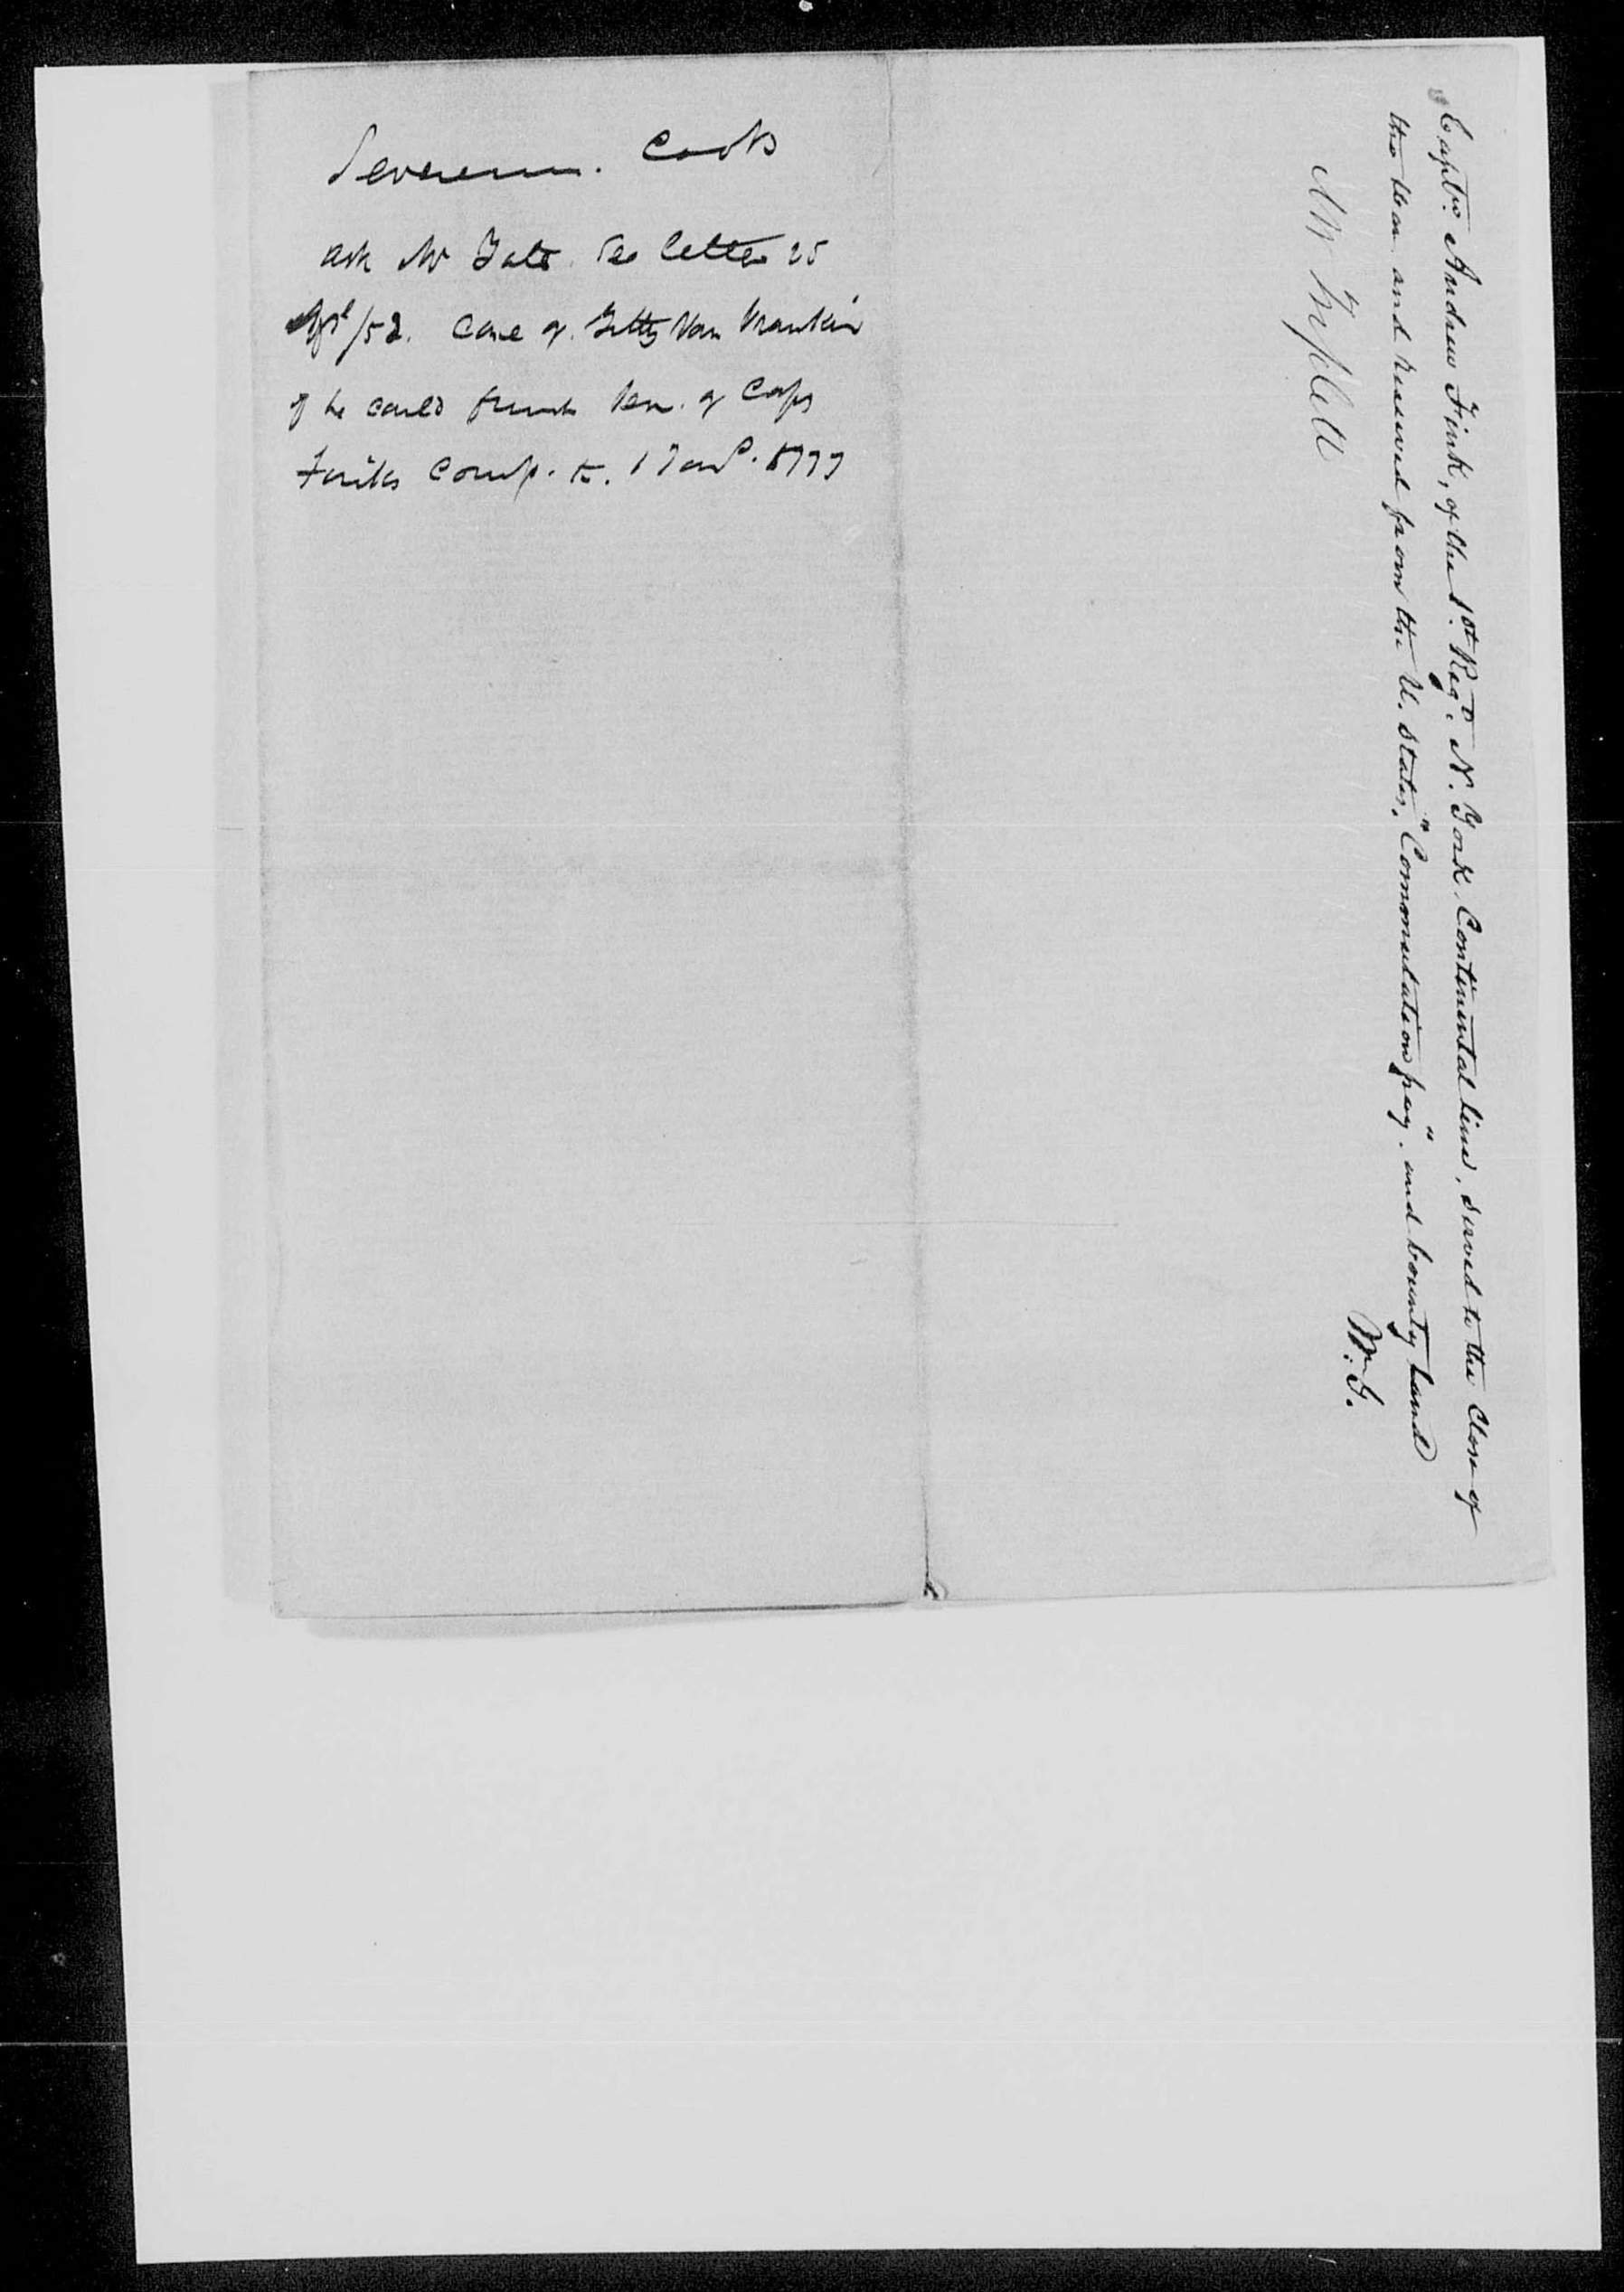Severinus Cook

Ask Mr Yates re letter 25 Apl/52. Case of Getty Van Vranken if he could first [illegible] of Captn Finks Comp to 1 Jany 1777

Capt Andrew Fink, of the 1st Regt. N. York, Continental line, served to the Close of the War and received from the U. States, "Commutation pay" and bounty land
W. G.
Mr. Triplett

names: Gitty Van Vrankin, Andrew Fink, Severinus Cook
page: 38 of 51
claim: survivor's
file: S. 12563, Severinus Cook, New York